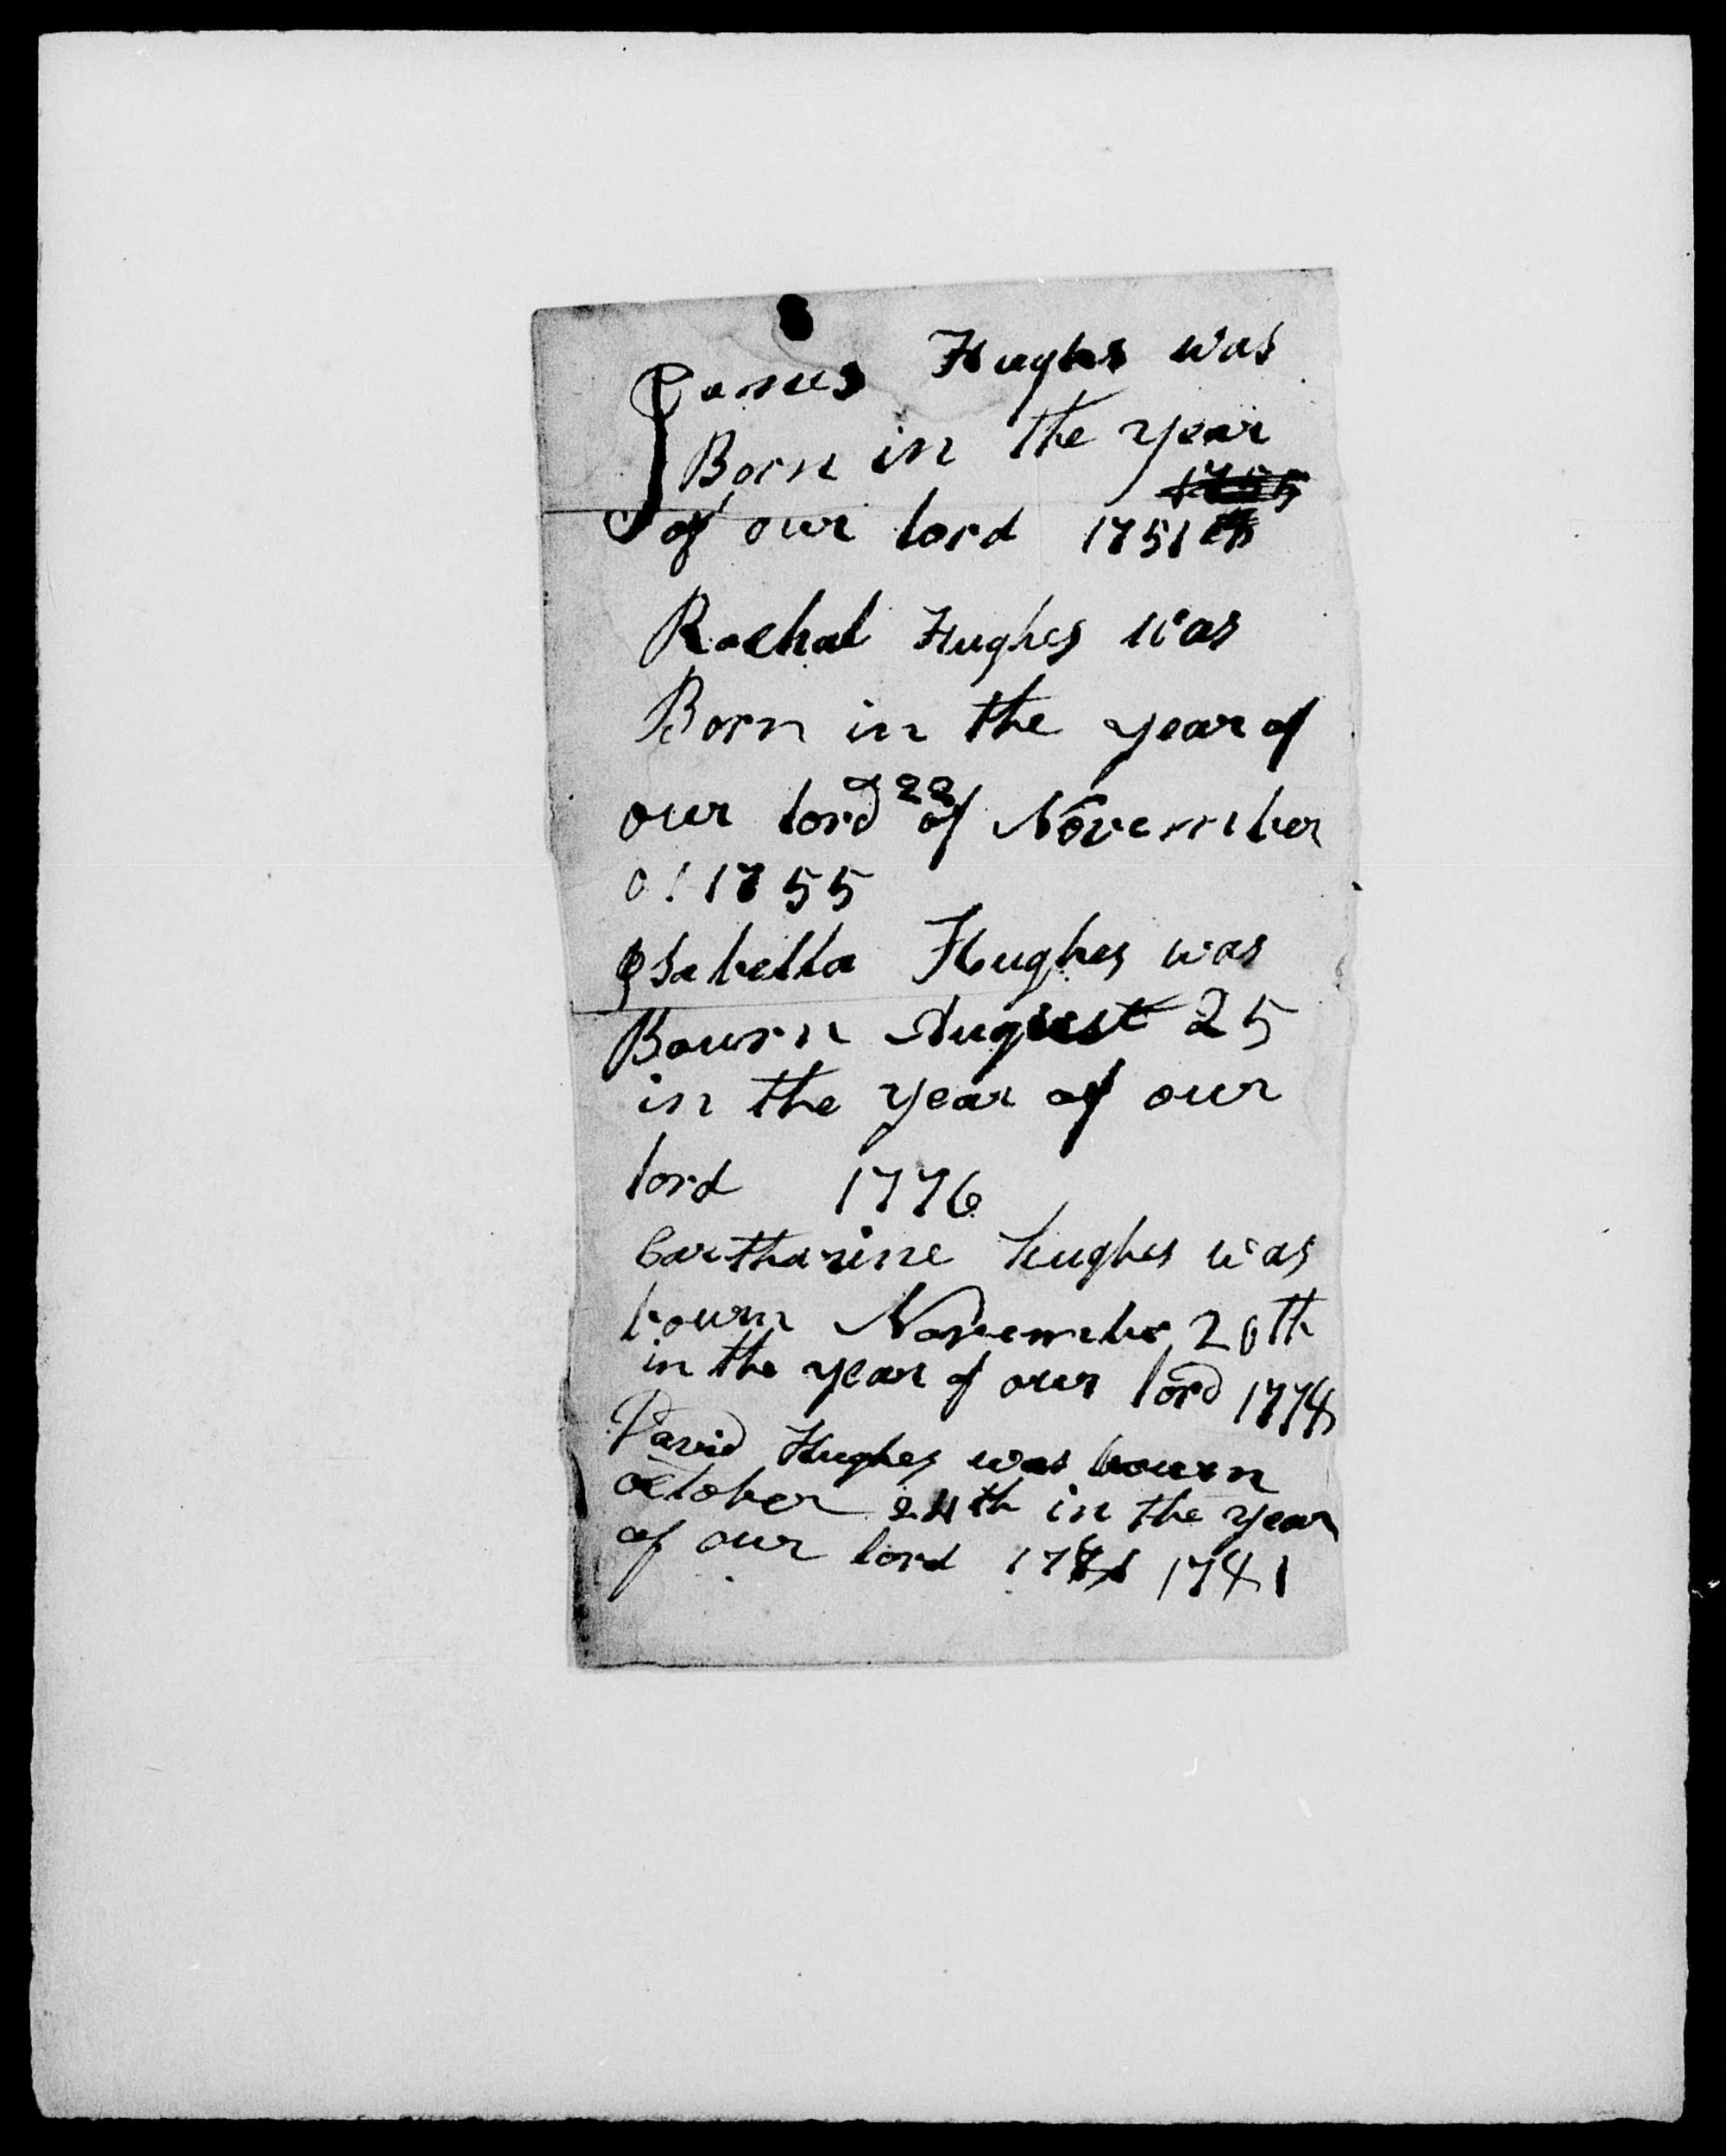James Hughes was born in the year of our lord 1751. 
Rachal Hughes was born in the year of our lord 22nd November 1755. 
Isabella Hughes was born August 25 in the year of our lord 1776
Catharine Hughes was born November 20th in the year of our lord 1778
David Hughes was born October 24th in the year of our lord 1781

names: David Hughes, Rachal Hughes, Catharine Hughes, James Hughes, Isabella Hughes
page: 5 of 24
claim: rejected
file: R. 5342, James Hues, N.C.